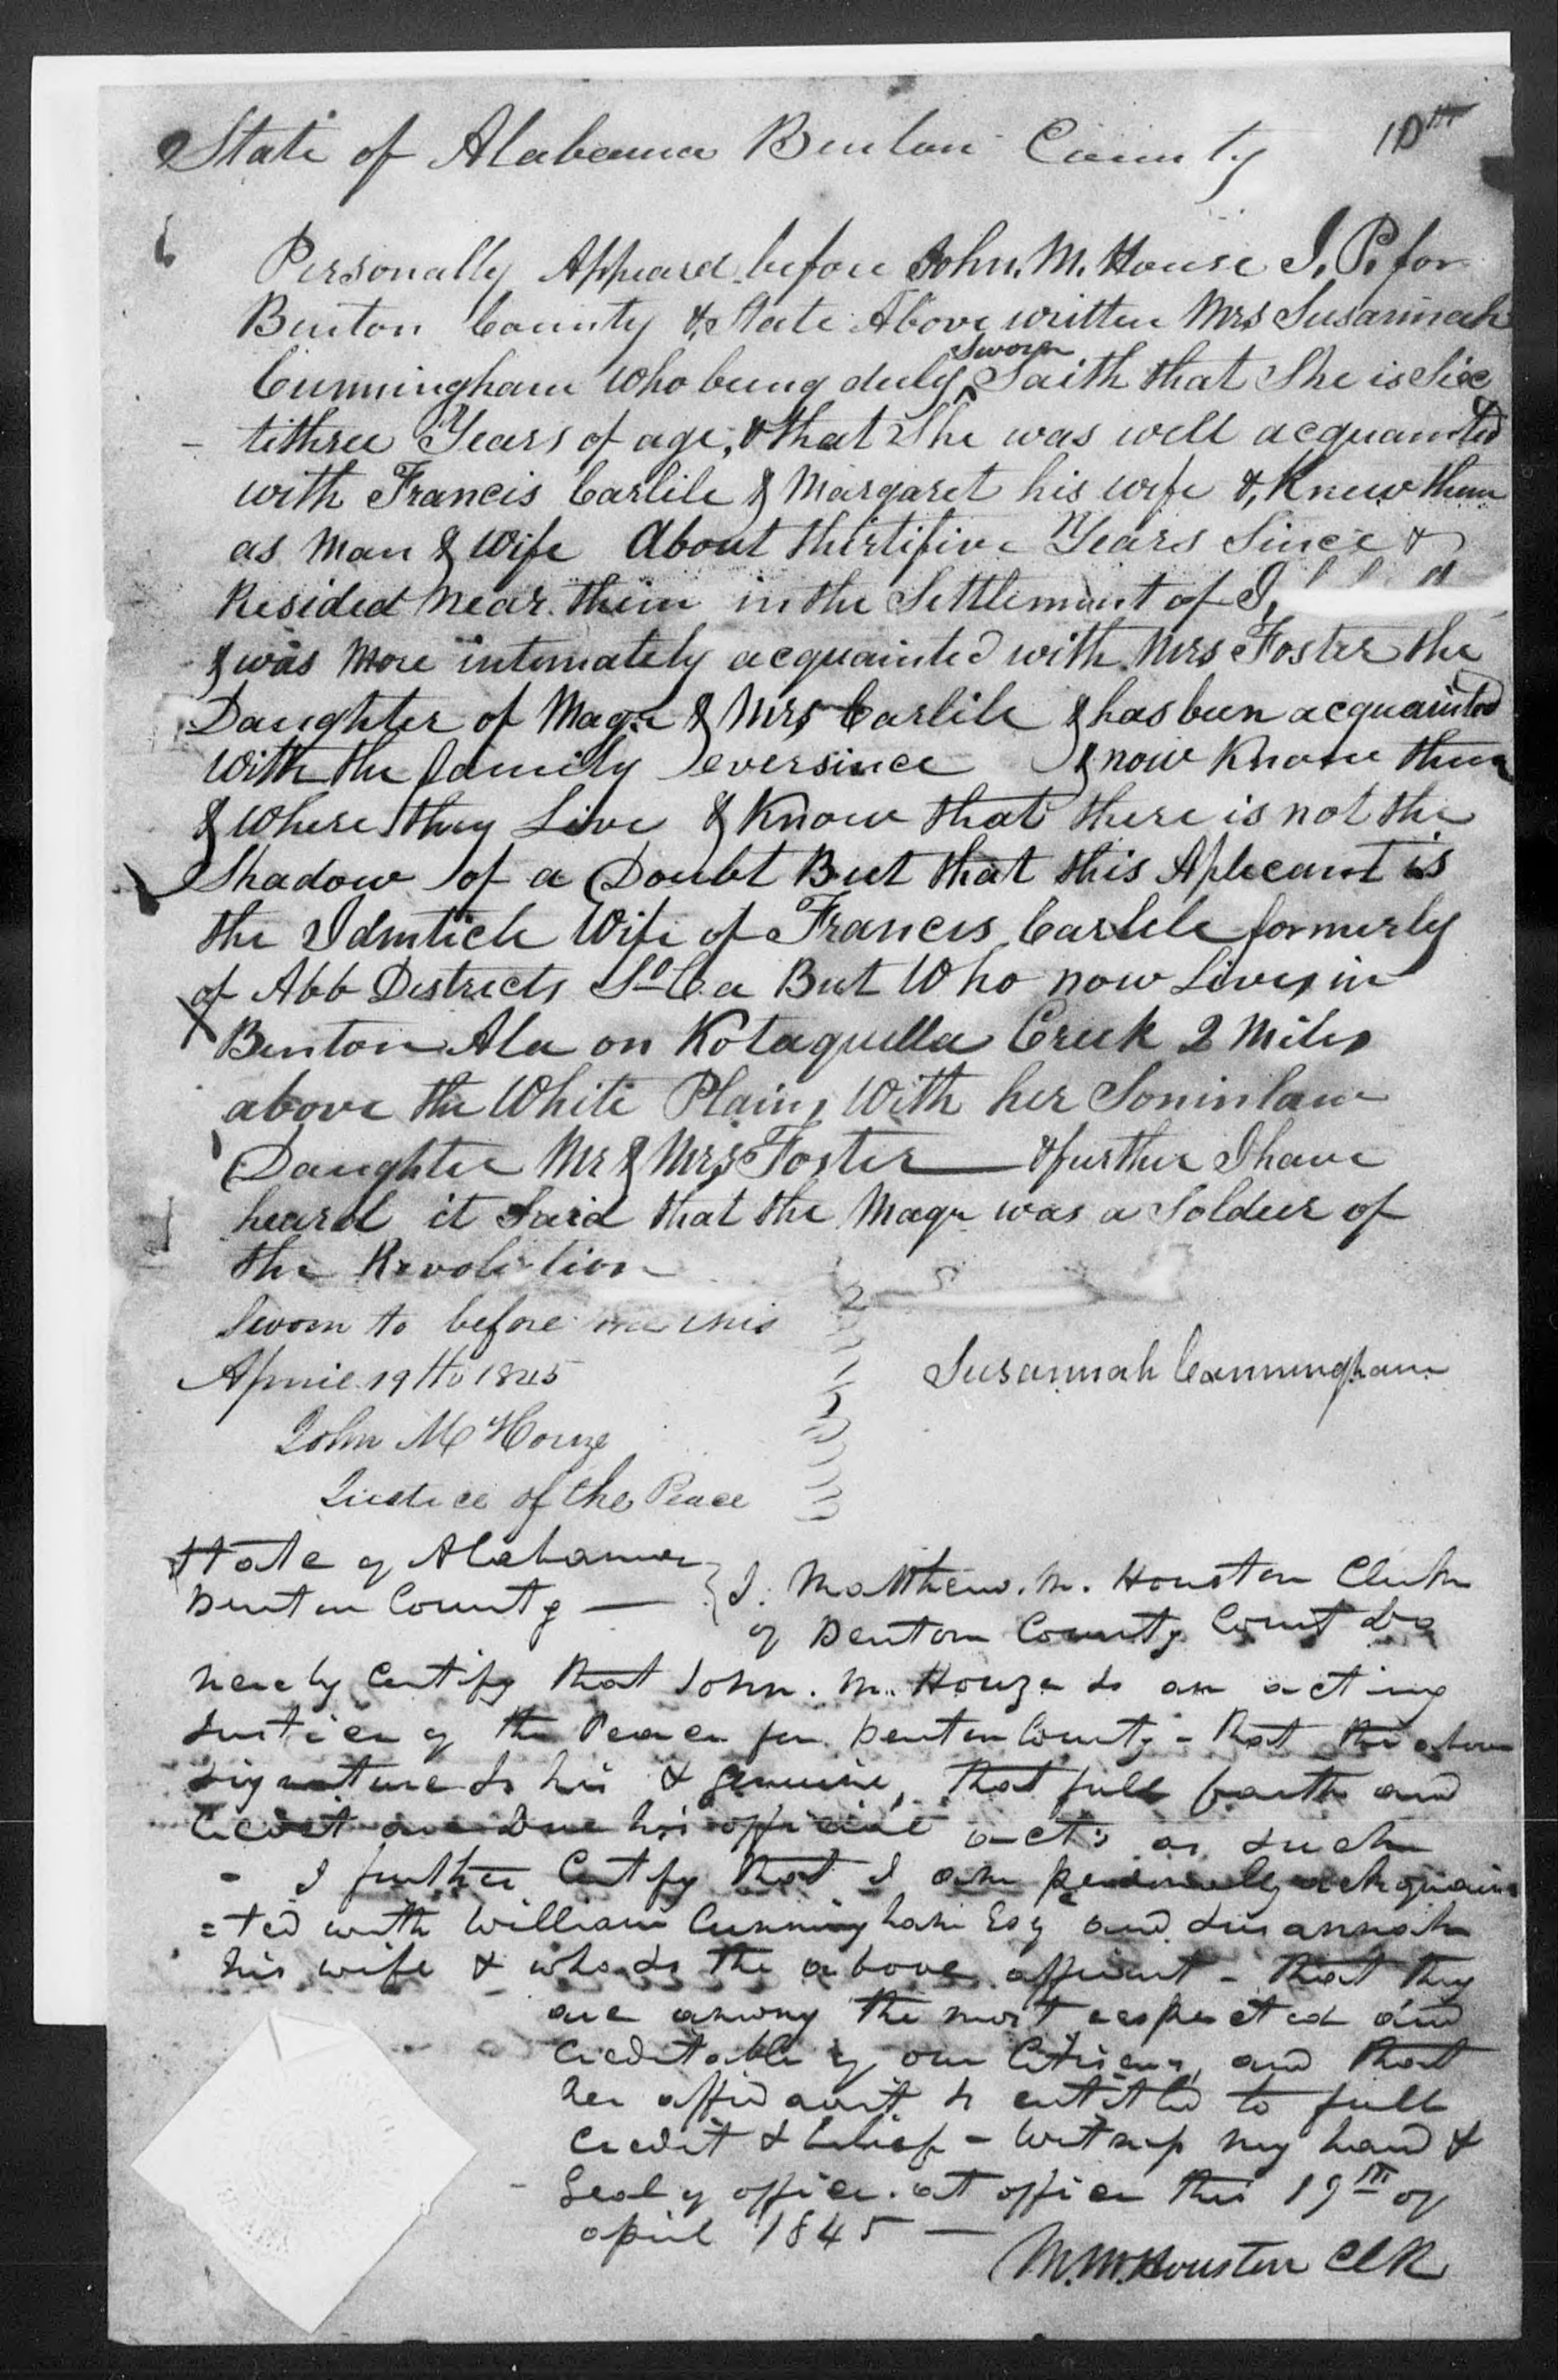State of Alabama Benton County  10th
Personally Appeared before John M. House J.P. for Benton County & State above written Mrs. Susannah Cunningham who being duly sworn saith that She is Sixty three years of age; & that she was well acquainted with Francis Carlisle & Margaret his wife & knew them as man & wife about thirty five years since & Resided near them in the Settlement of [illegible] I was more intimately acquainted with Mrs. Foster the Daughter of Major & Mrs. Carlile & has been acquainted with the family ever since. i know them & where they live & know that there is not the shadow of a doubt but that this applicant is the Identical wife of Francis Carlisle formerly of Abb District So Ca but who now lives in Benton Ala on Rotaquilla Creek 2 miles above the White Plains with her son in law Daughter Mr & Mrs Foster & further I have heard it said that the Major was a Soldier of the Revolution
[signed[ Susannah Cunningham
Sworn to before me this April 19th 1845
John M House
Justice of the Peace

State of Alabama
Benton County
I Matthew M.  Houston Clerk of Benton County Court hereby certify that John House is an acting
Justice of the Peace for Benton County-- that the above signature is his & genuine that full faith and
credit are due to his official act as such.  I further certify that I am personally acquainted with William Cunningham Esq. and Susannah his wife & who did the above affidavit. that they are among the most respected and creditable of our citizens, and that her affidavit is entitled to full credit & belief-- Witness my hand & Seal office, at office this 19th of Apl 1845-
M. M. Houston Clk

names: Susannah Cunningham, John M House, Francis Carlile, John M Houze, Francis Carlile, Carlile, Foster, M M Houston, Matthew M Houston, John M Houze, William Cunningham, Foster, Susannah Cunningham, Margaret Carlile, Foster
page: 47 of 91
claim: widow's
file: W. 10576, Francis Carlisle, S.C.